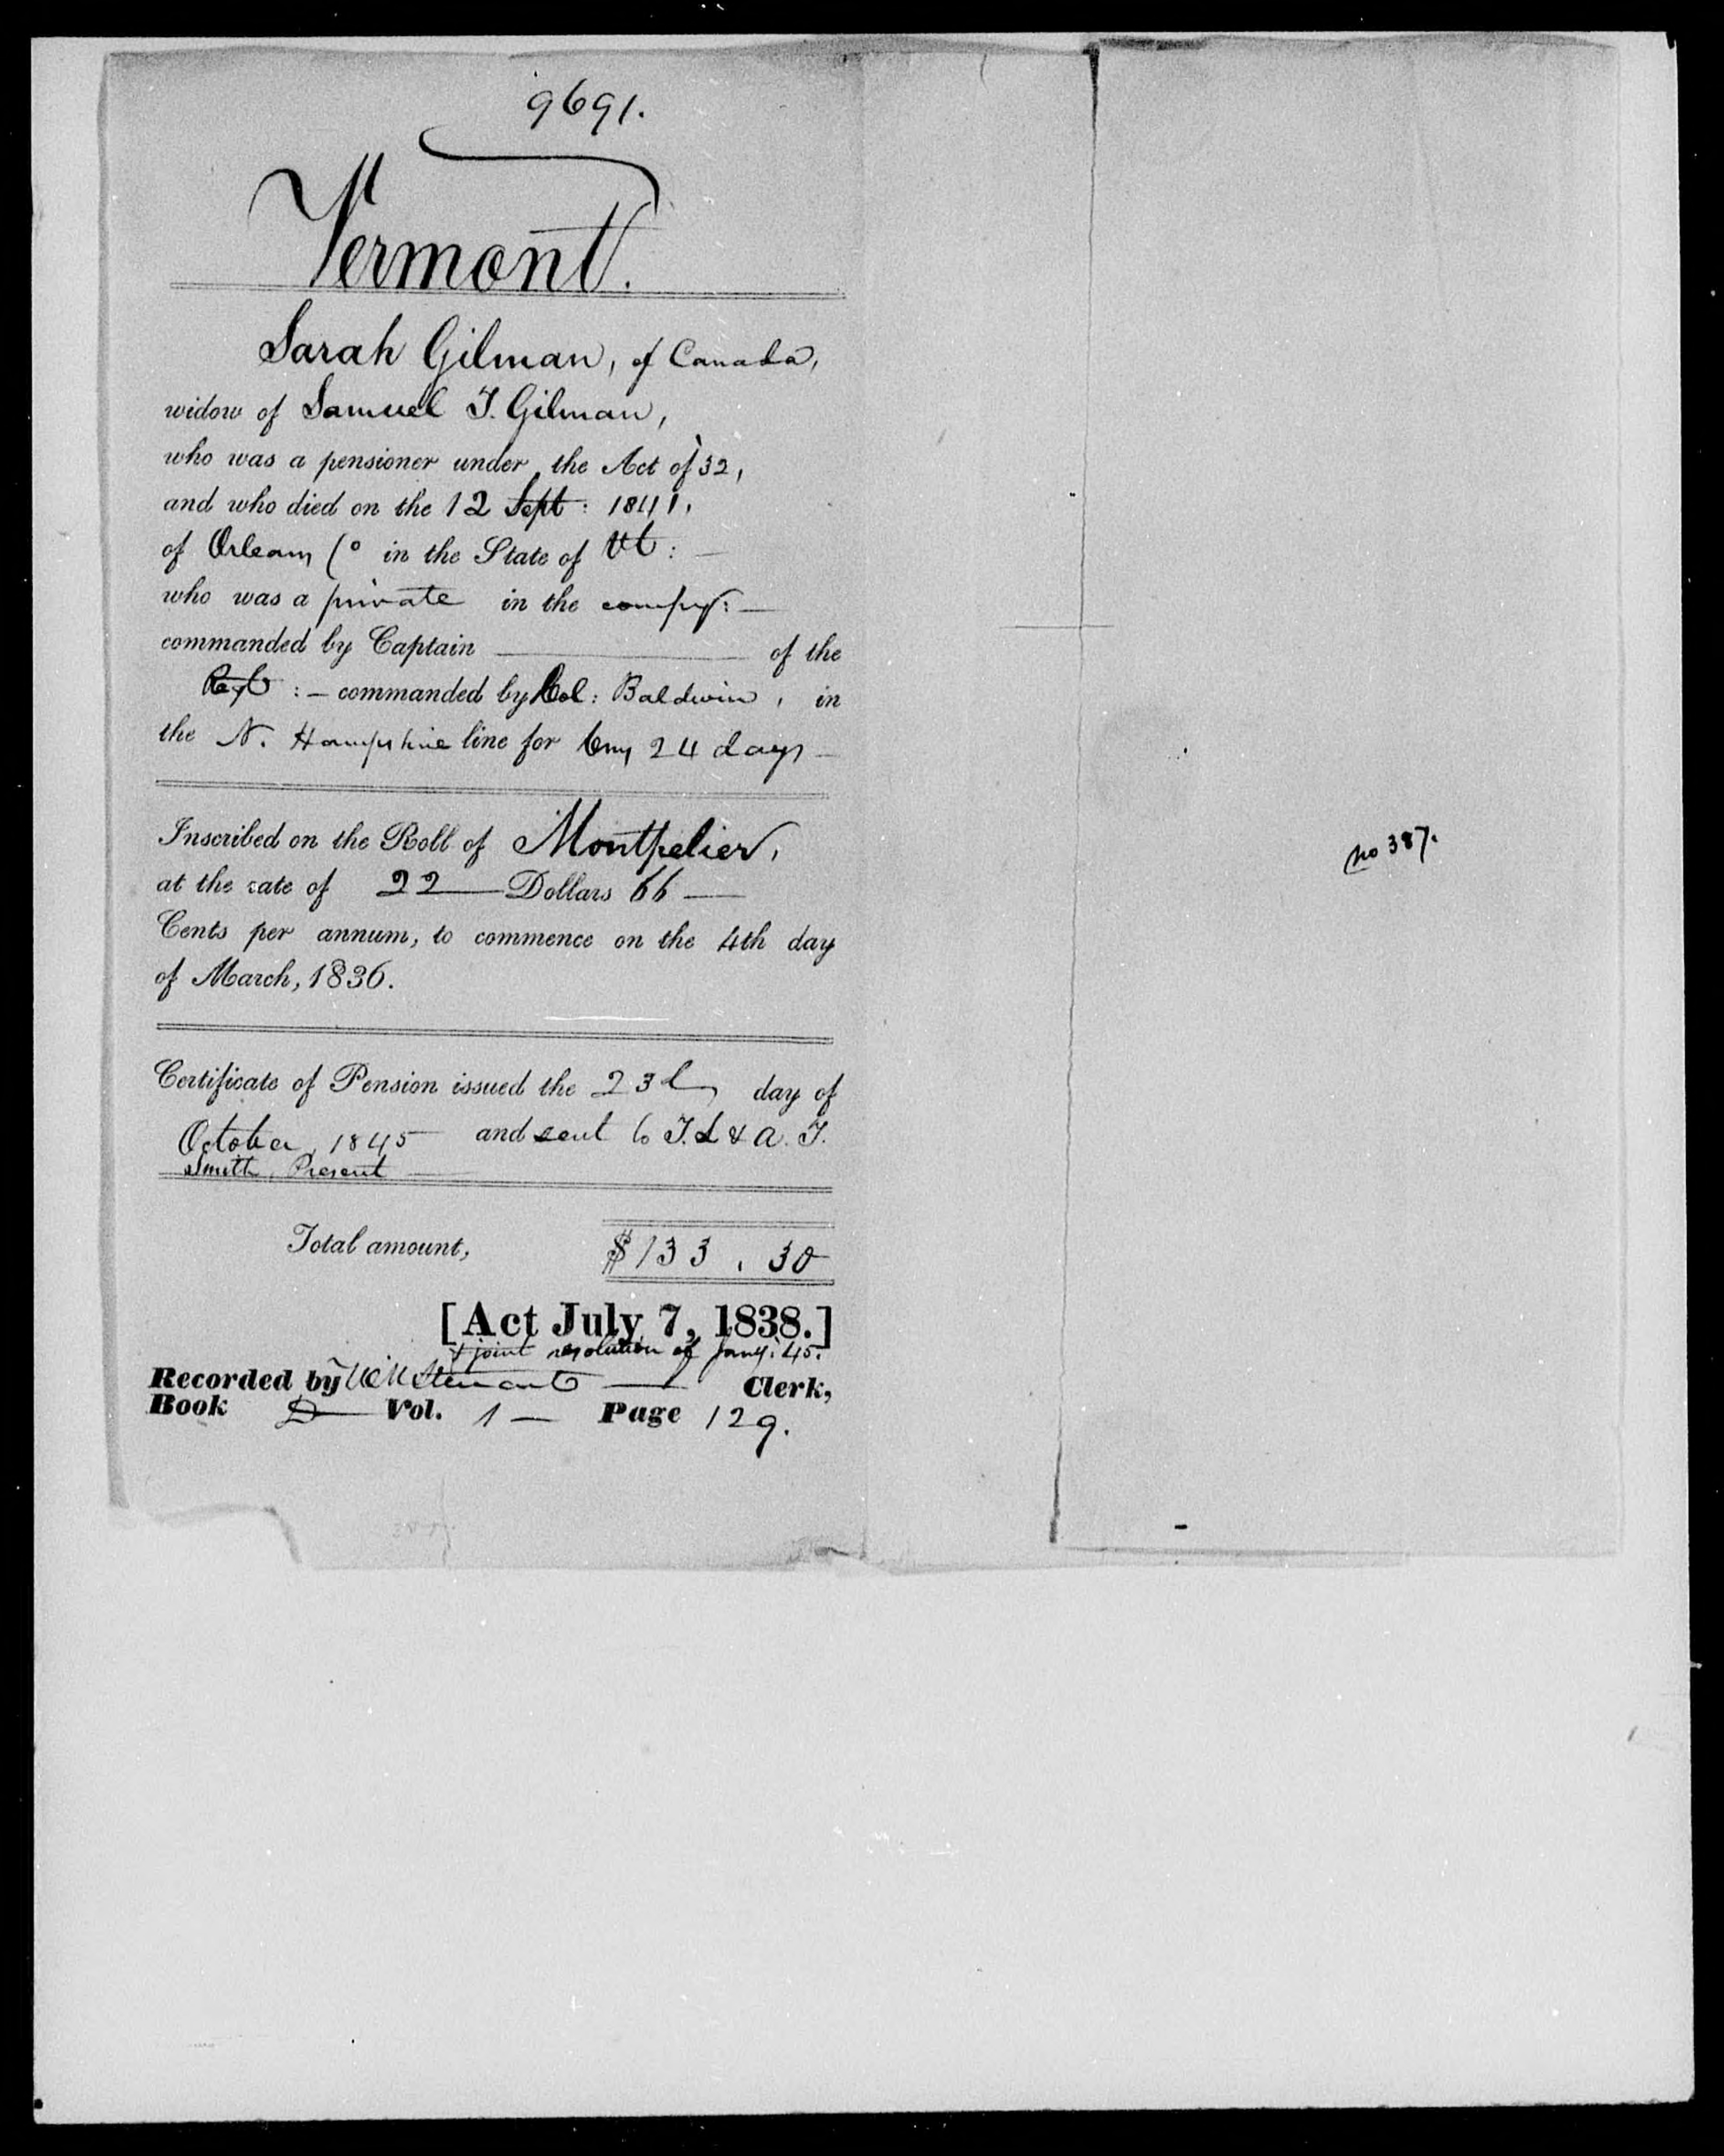9691
Vermont
=====
Sarah Gilman, of Canada,
widow of Samuel T. Gilman,
who was a pensioner under the Act of 32,
and who died on the 12 Setp. 1811,
of Orleans Co. in the State of Vt.
who was a private in the company
commanded by Captain _____ of the
Reg. commanded by Col. Baldwin, in
the N. Hampshire line for 6 mts 24 days.
=====
Inscribed on the Roll of Montpelier,
at the rate of 22 Dollars 66
Cents per annum, to commence on the 4th day
of March, 1836.
=====
Certificate of Pension issued the 23d day of
October, 1845 and sent to T. L. & A. T. 
Smith, Present
=====
Total amount, $133.30
[Act July 7, 1838.]
& joint resolution of Jany. '40
Recorded by U.M. Stewart Clerk,
Book D Vol. 1 Page 129
no 387.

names: Samuel T Gilman, U M Stewart, A T Smith, Sarah Gilman, Baldwin, T L Smith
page: 20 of 61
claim: widow's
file: W. 19500, Samuel Thing Gilman, Continental N.H.